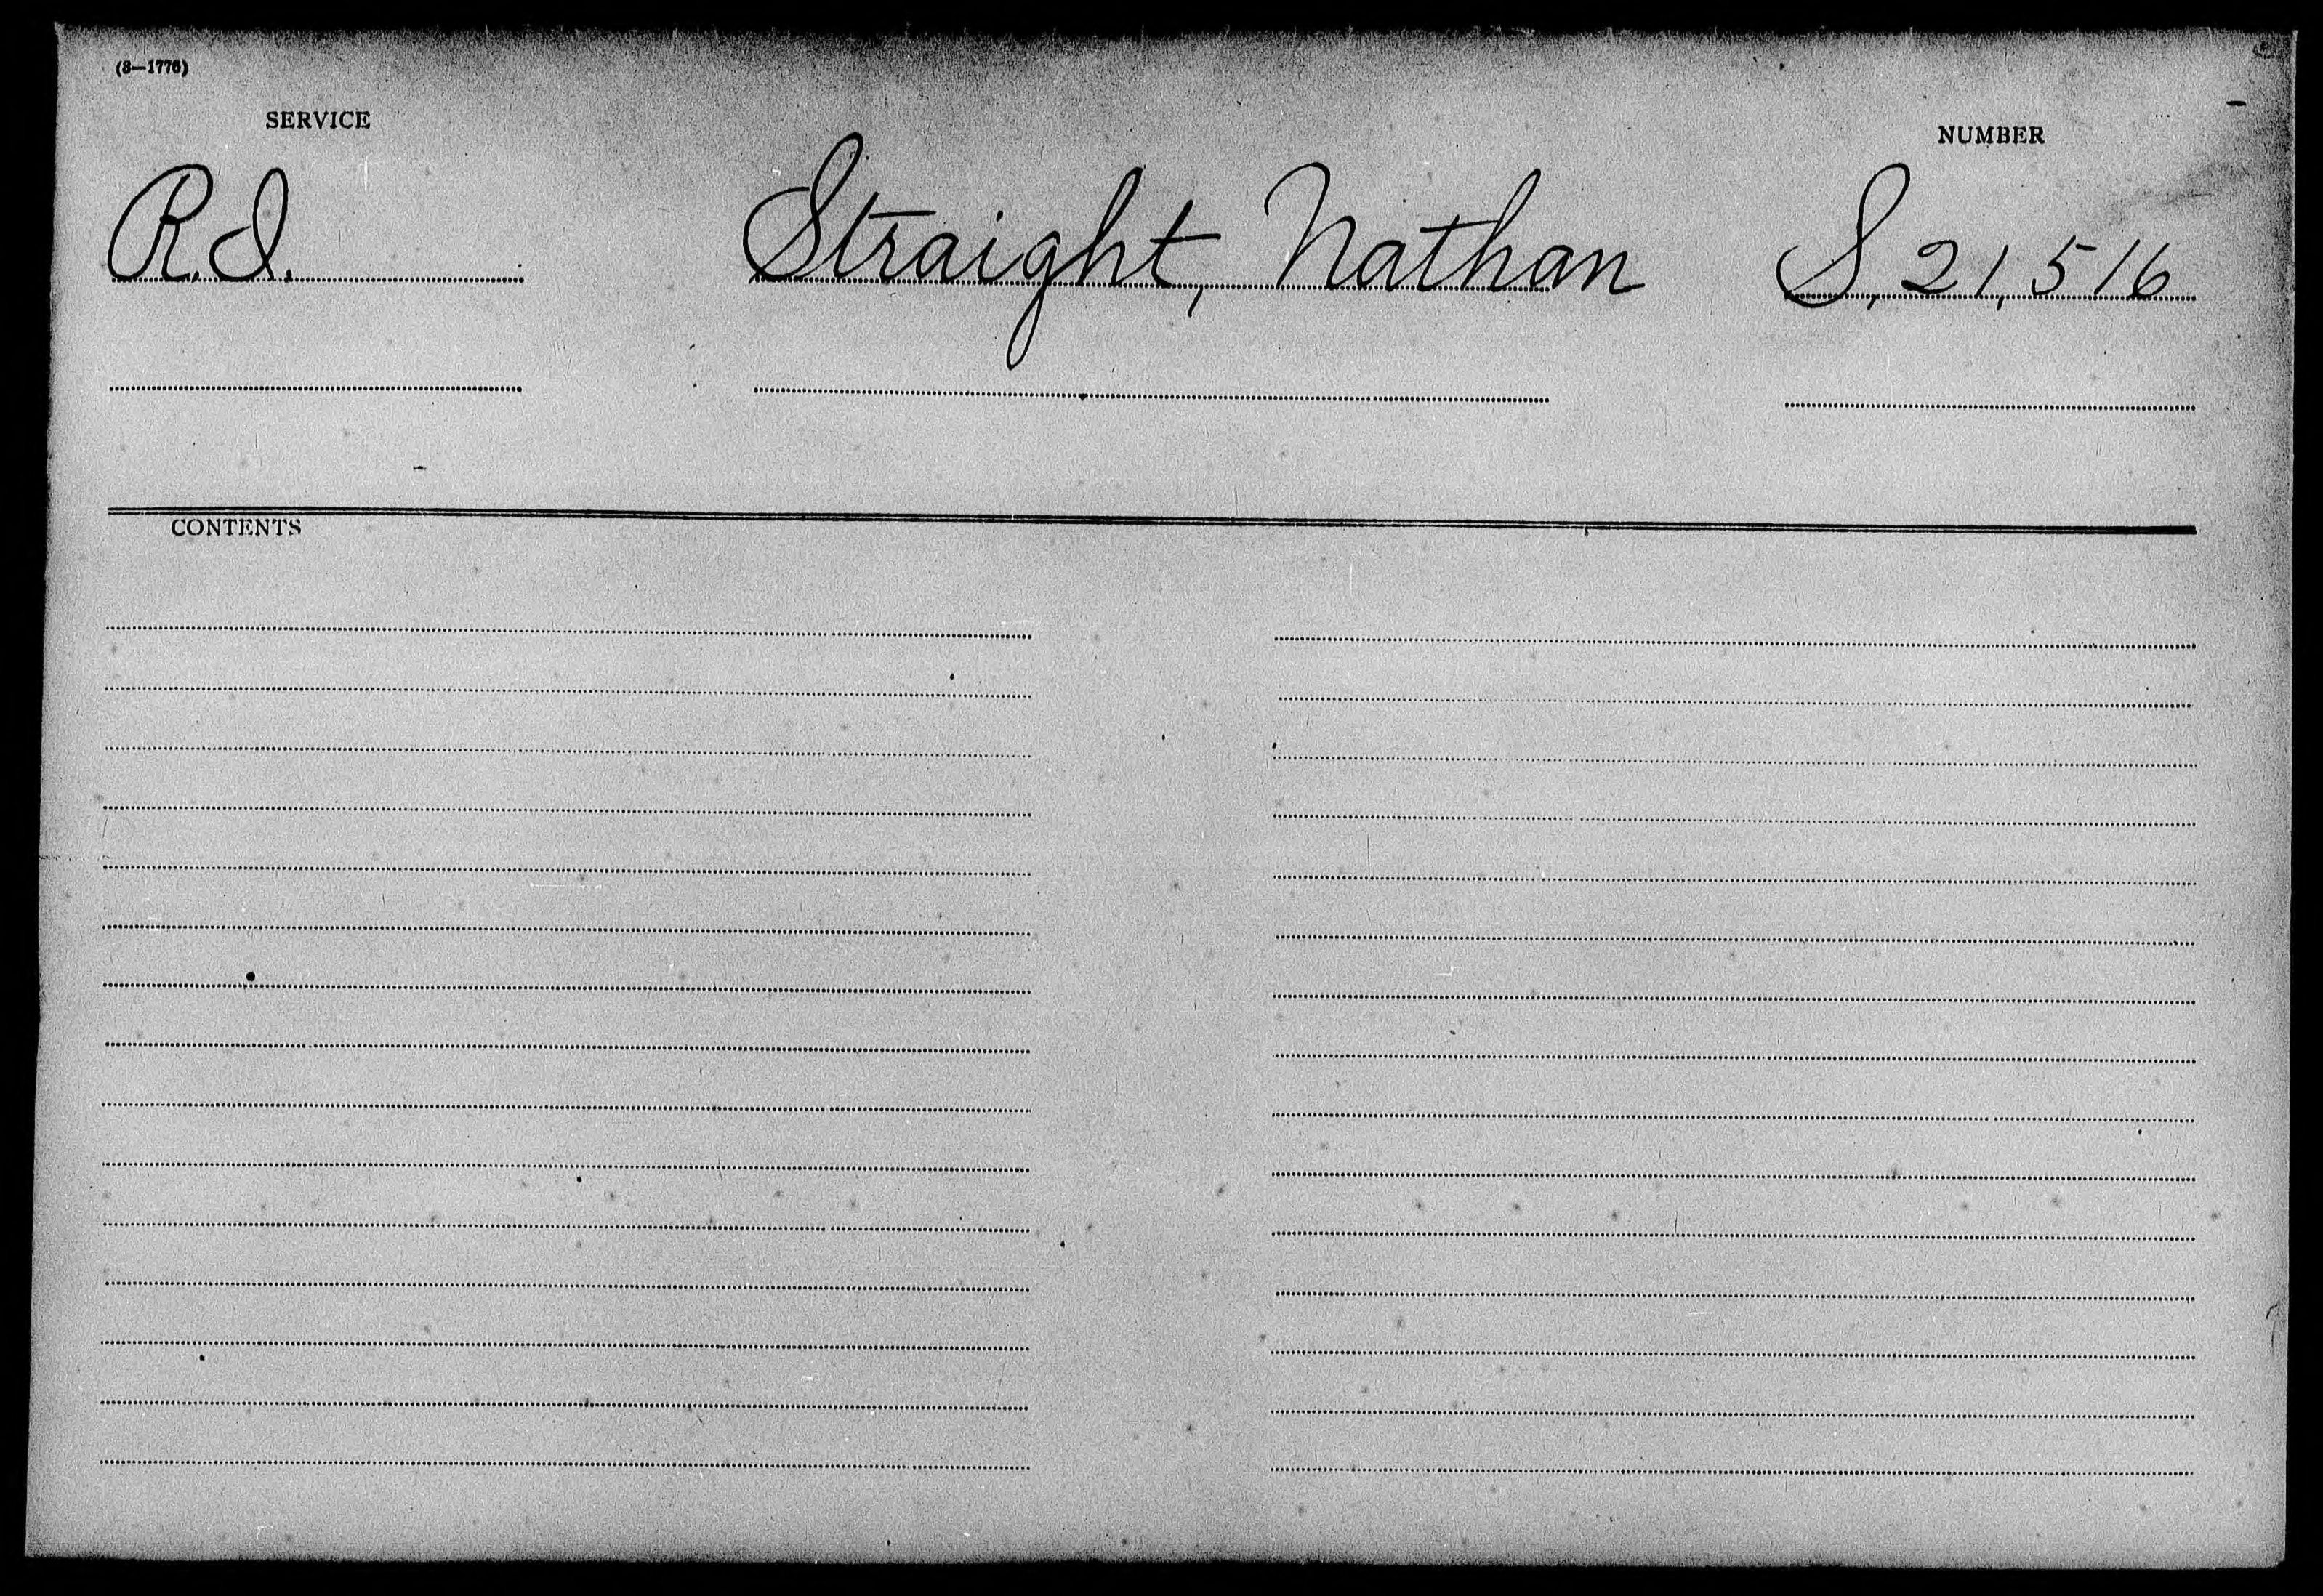(8-1776)
Service
R.I.
Straight,Nathan
Number
S.21,516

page: 1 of 27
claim: survivor's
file: S. 21,516, for Nathan Straight, Rhode Island